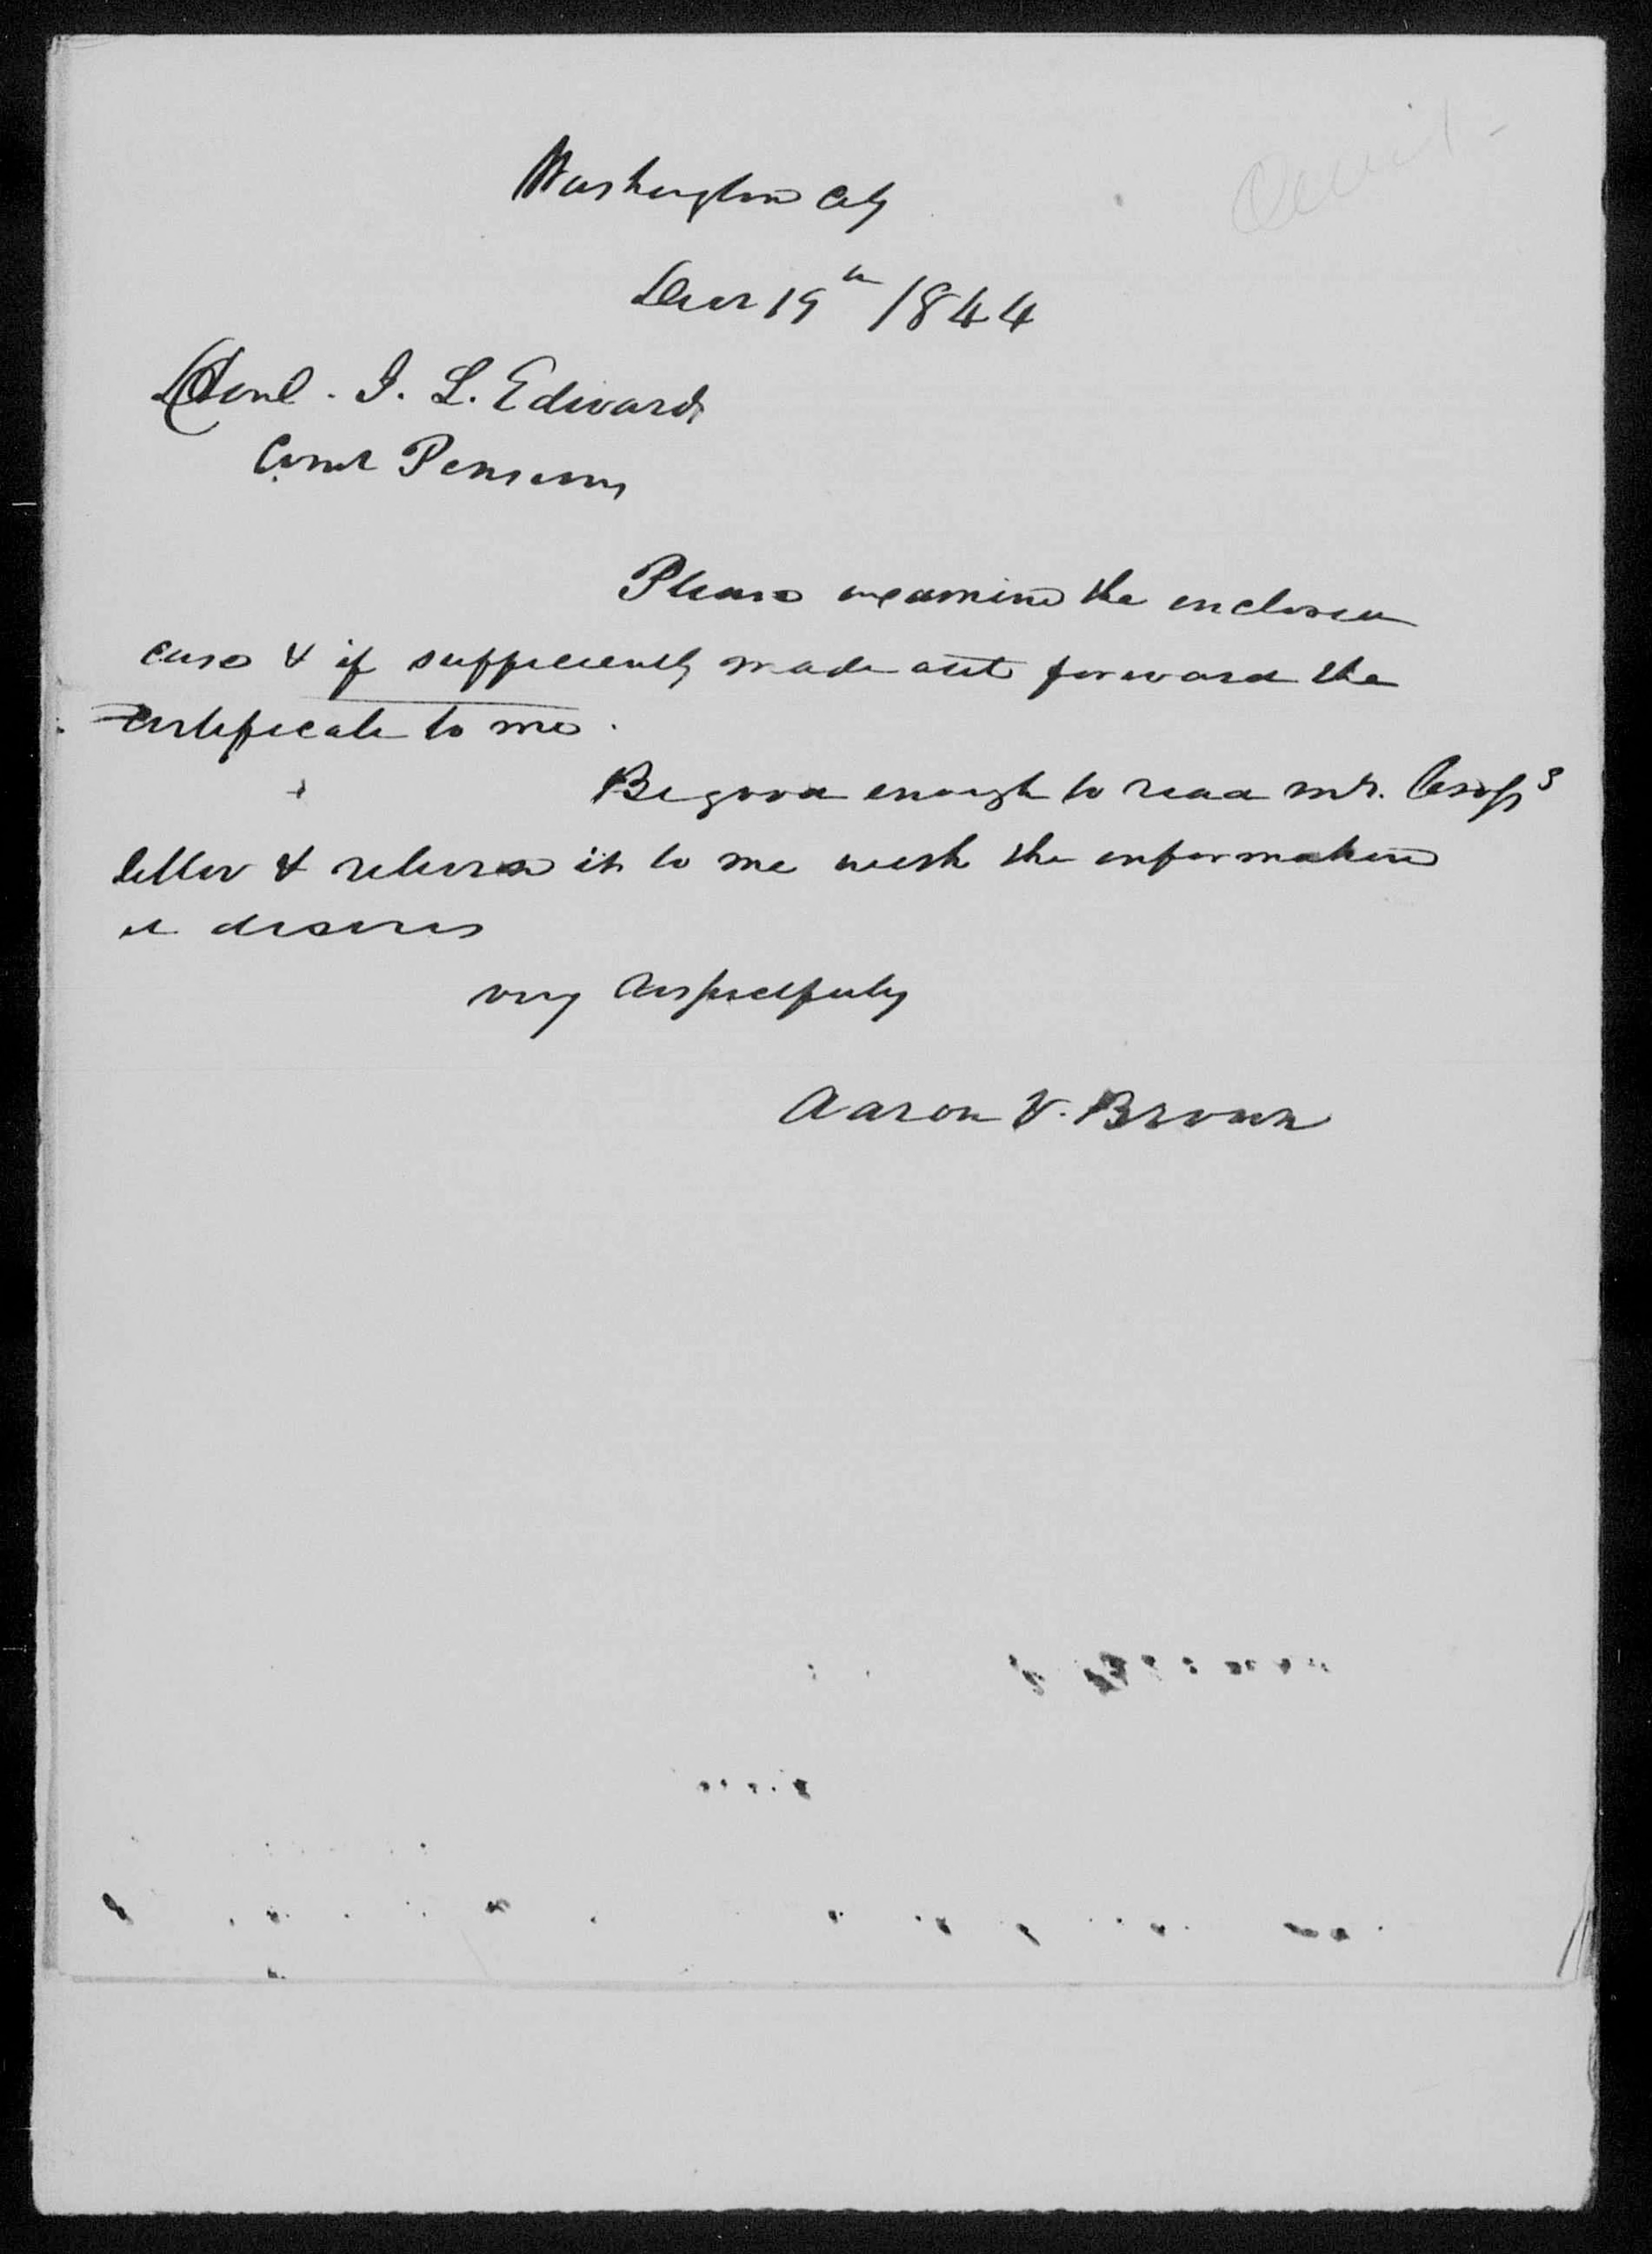Washington City
Dec 19th 1844

[illegible] J. L. Edward
Comr Pensions

Please examine the enclosed
case & if sufficiently made out forward the
certificate to me.

Be good enough to read Mr. Cross
letter & return it to me with the information
it desires

very respectfuly
Aaron V. Brown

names: Cross, Aaron V Brown, J L Edwards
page: 28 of 40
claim: rejected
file: R. 4,869, John Henderson, S.C.